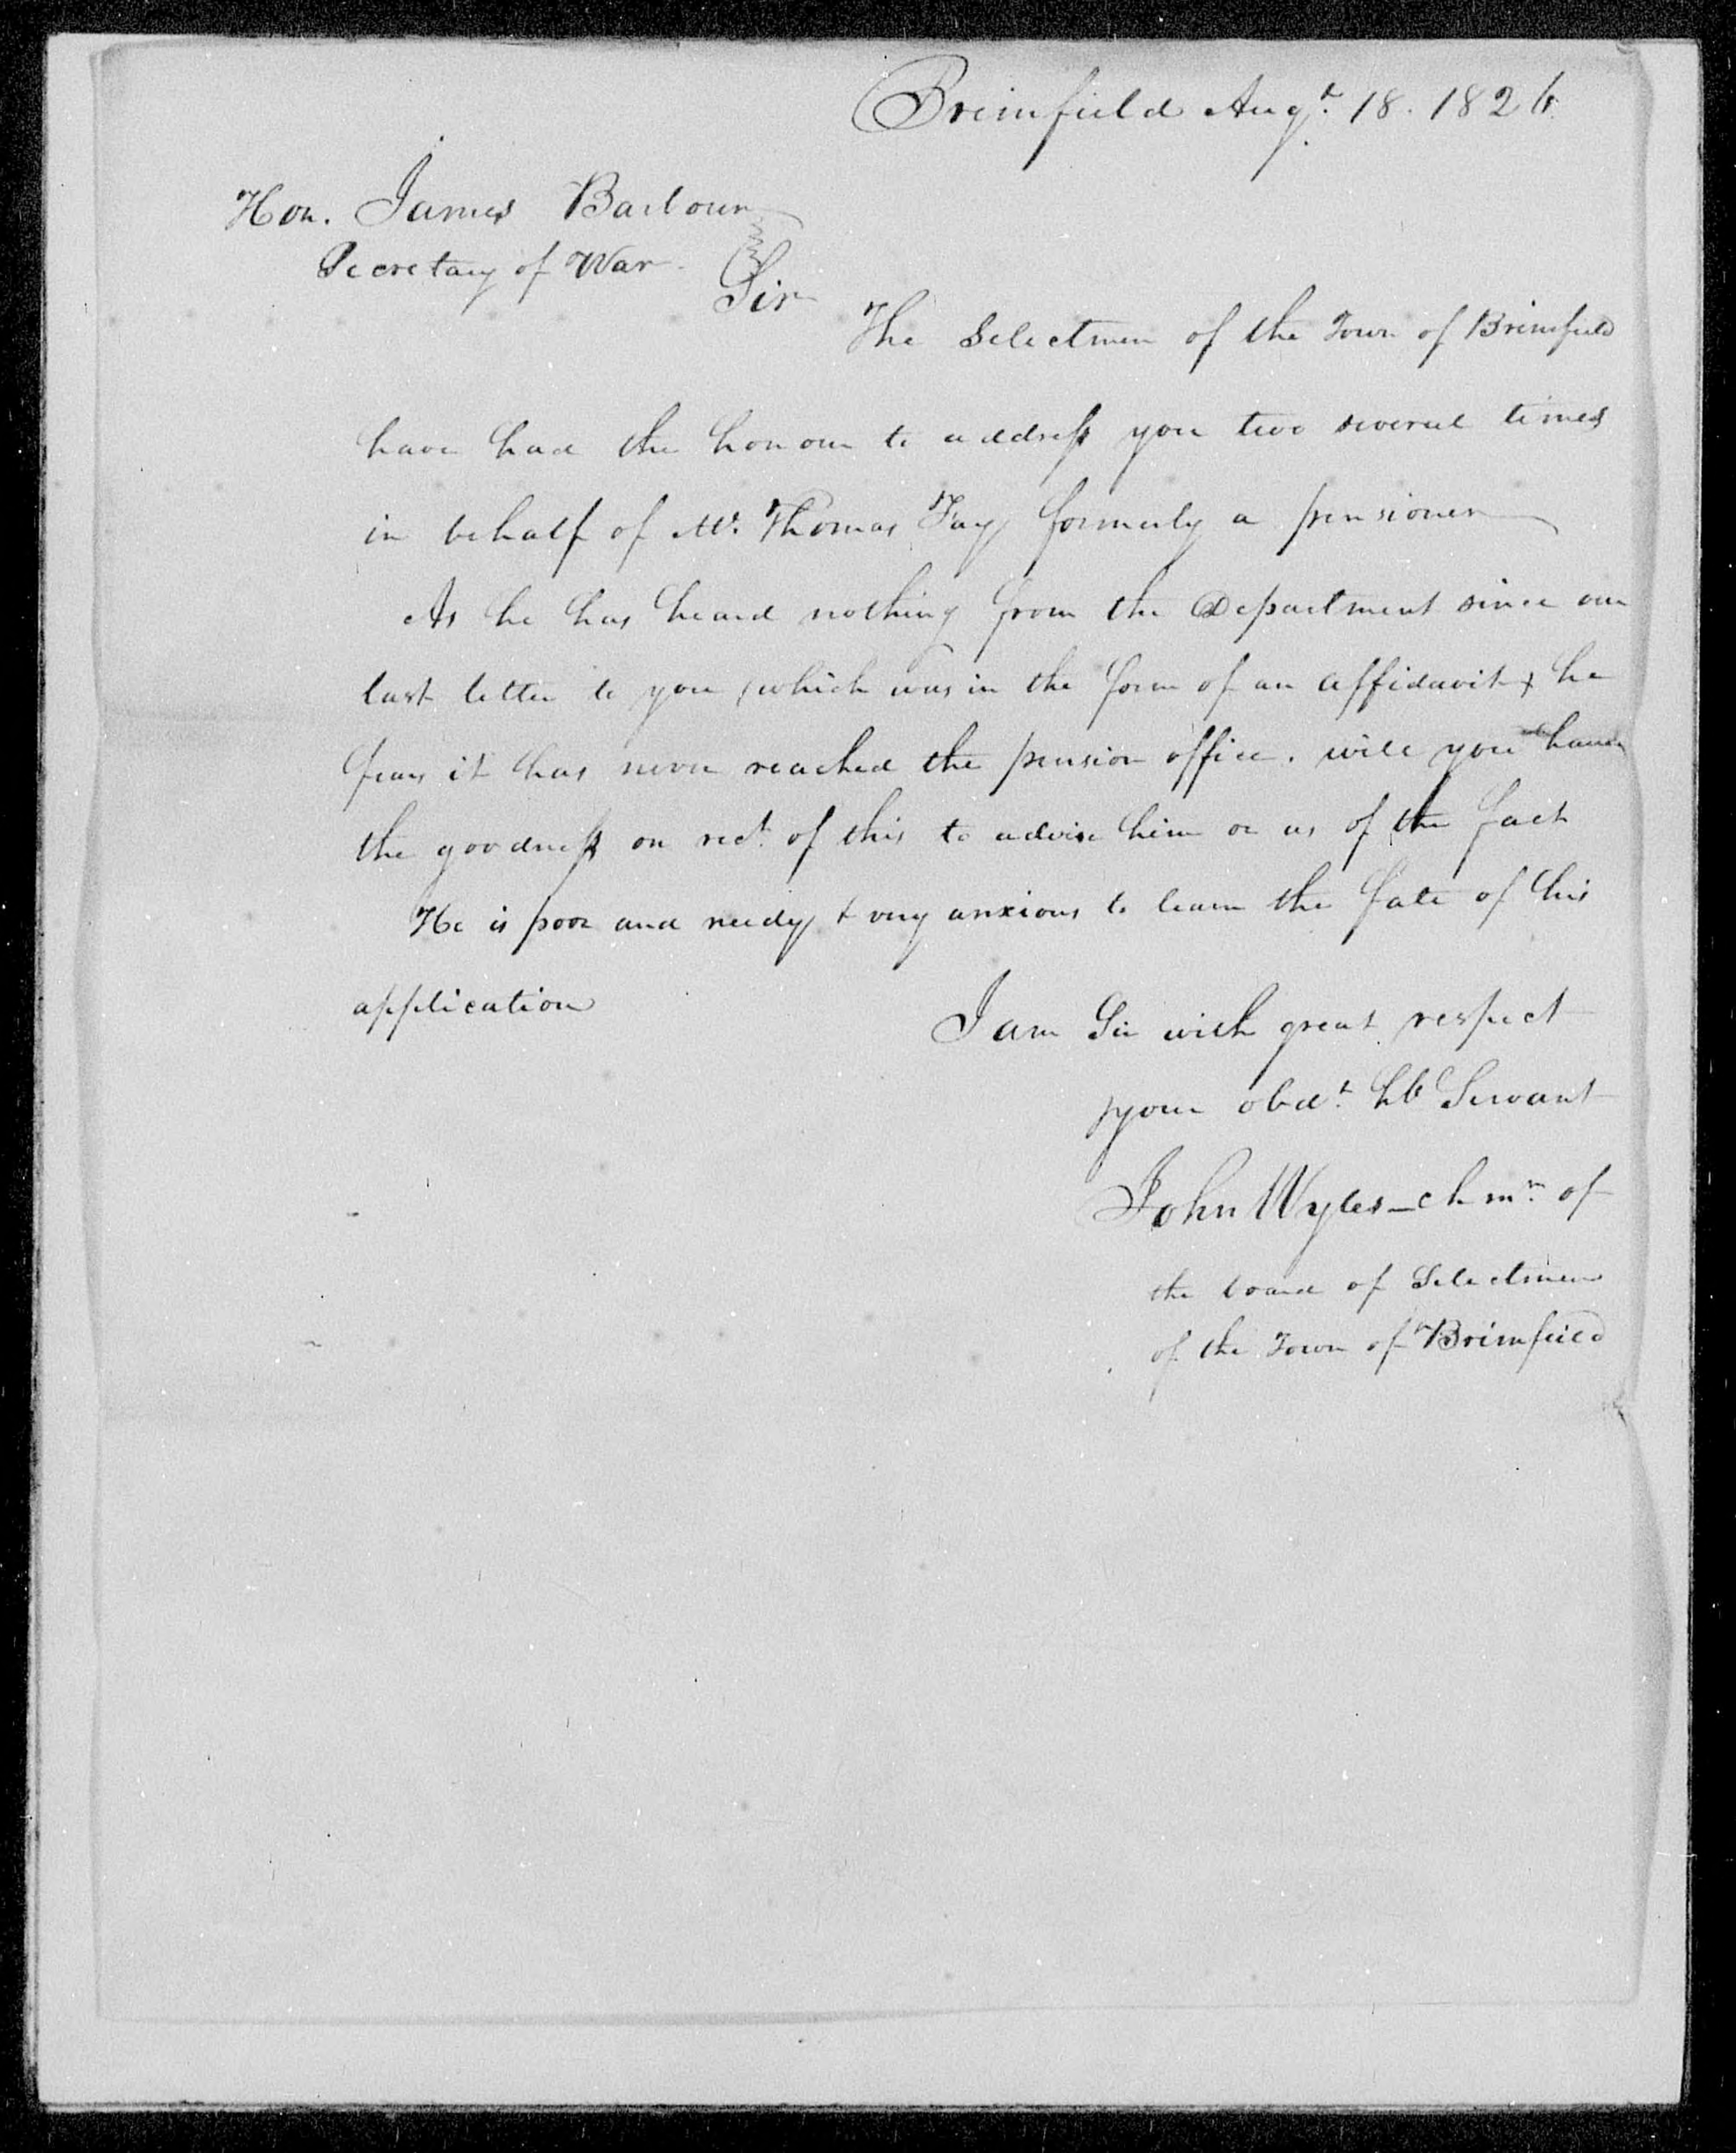Brimfield Augt 18. 1826

Hon. James Barbour
Secretary of War
Sir

The Selectmen of the Town of Brimfield
have had the honour to address you two several times in behalf of Mr Thomas Fay formerly a pensioner.

As he has heard nothing from the Department since our last letter to you (which was in the form of an affidavit he fears it has never reached the pension office. will you have
the goodness on (?) of this to advise him or as of the fact -  He is poor and needy & very anxious to leave the fate of his application.

I am Sir with great respect
your obt hb Servant

John Wyles of the board of Selectmen
of the Town of Brimfield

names: John Wyles, James Barbour, Thomas Fay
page: 25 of 31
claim: survivor's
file: S. 34,839, Thomas Fay, Mass.